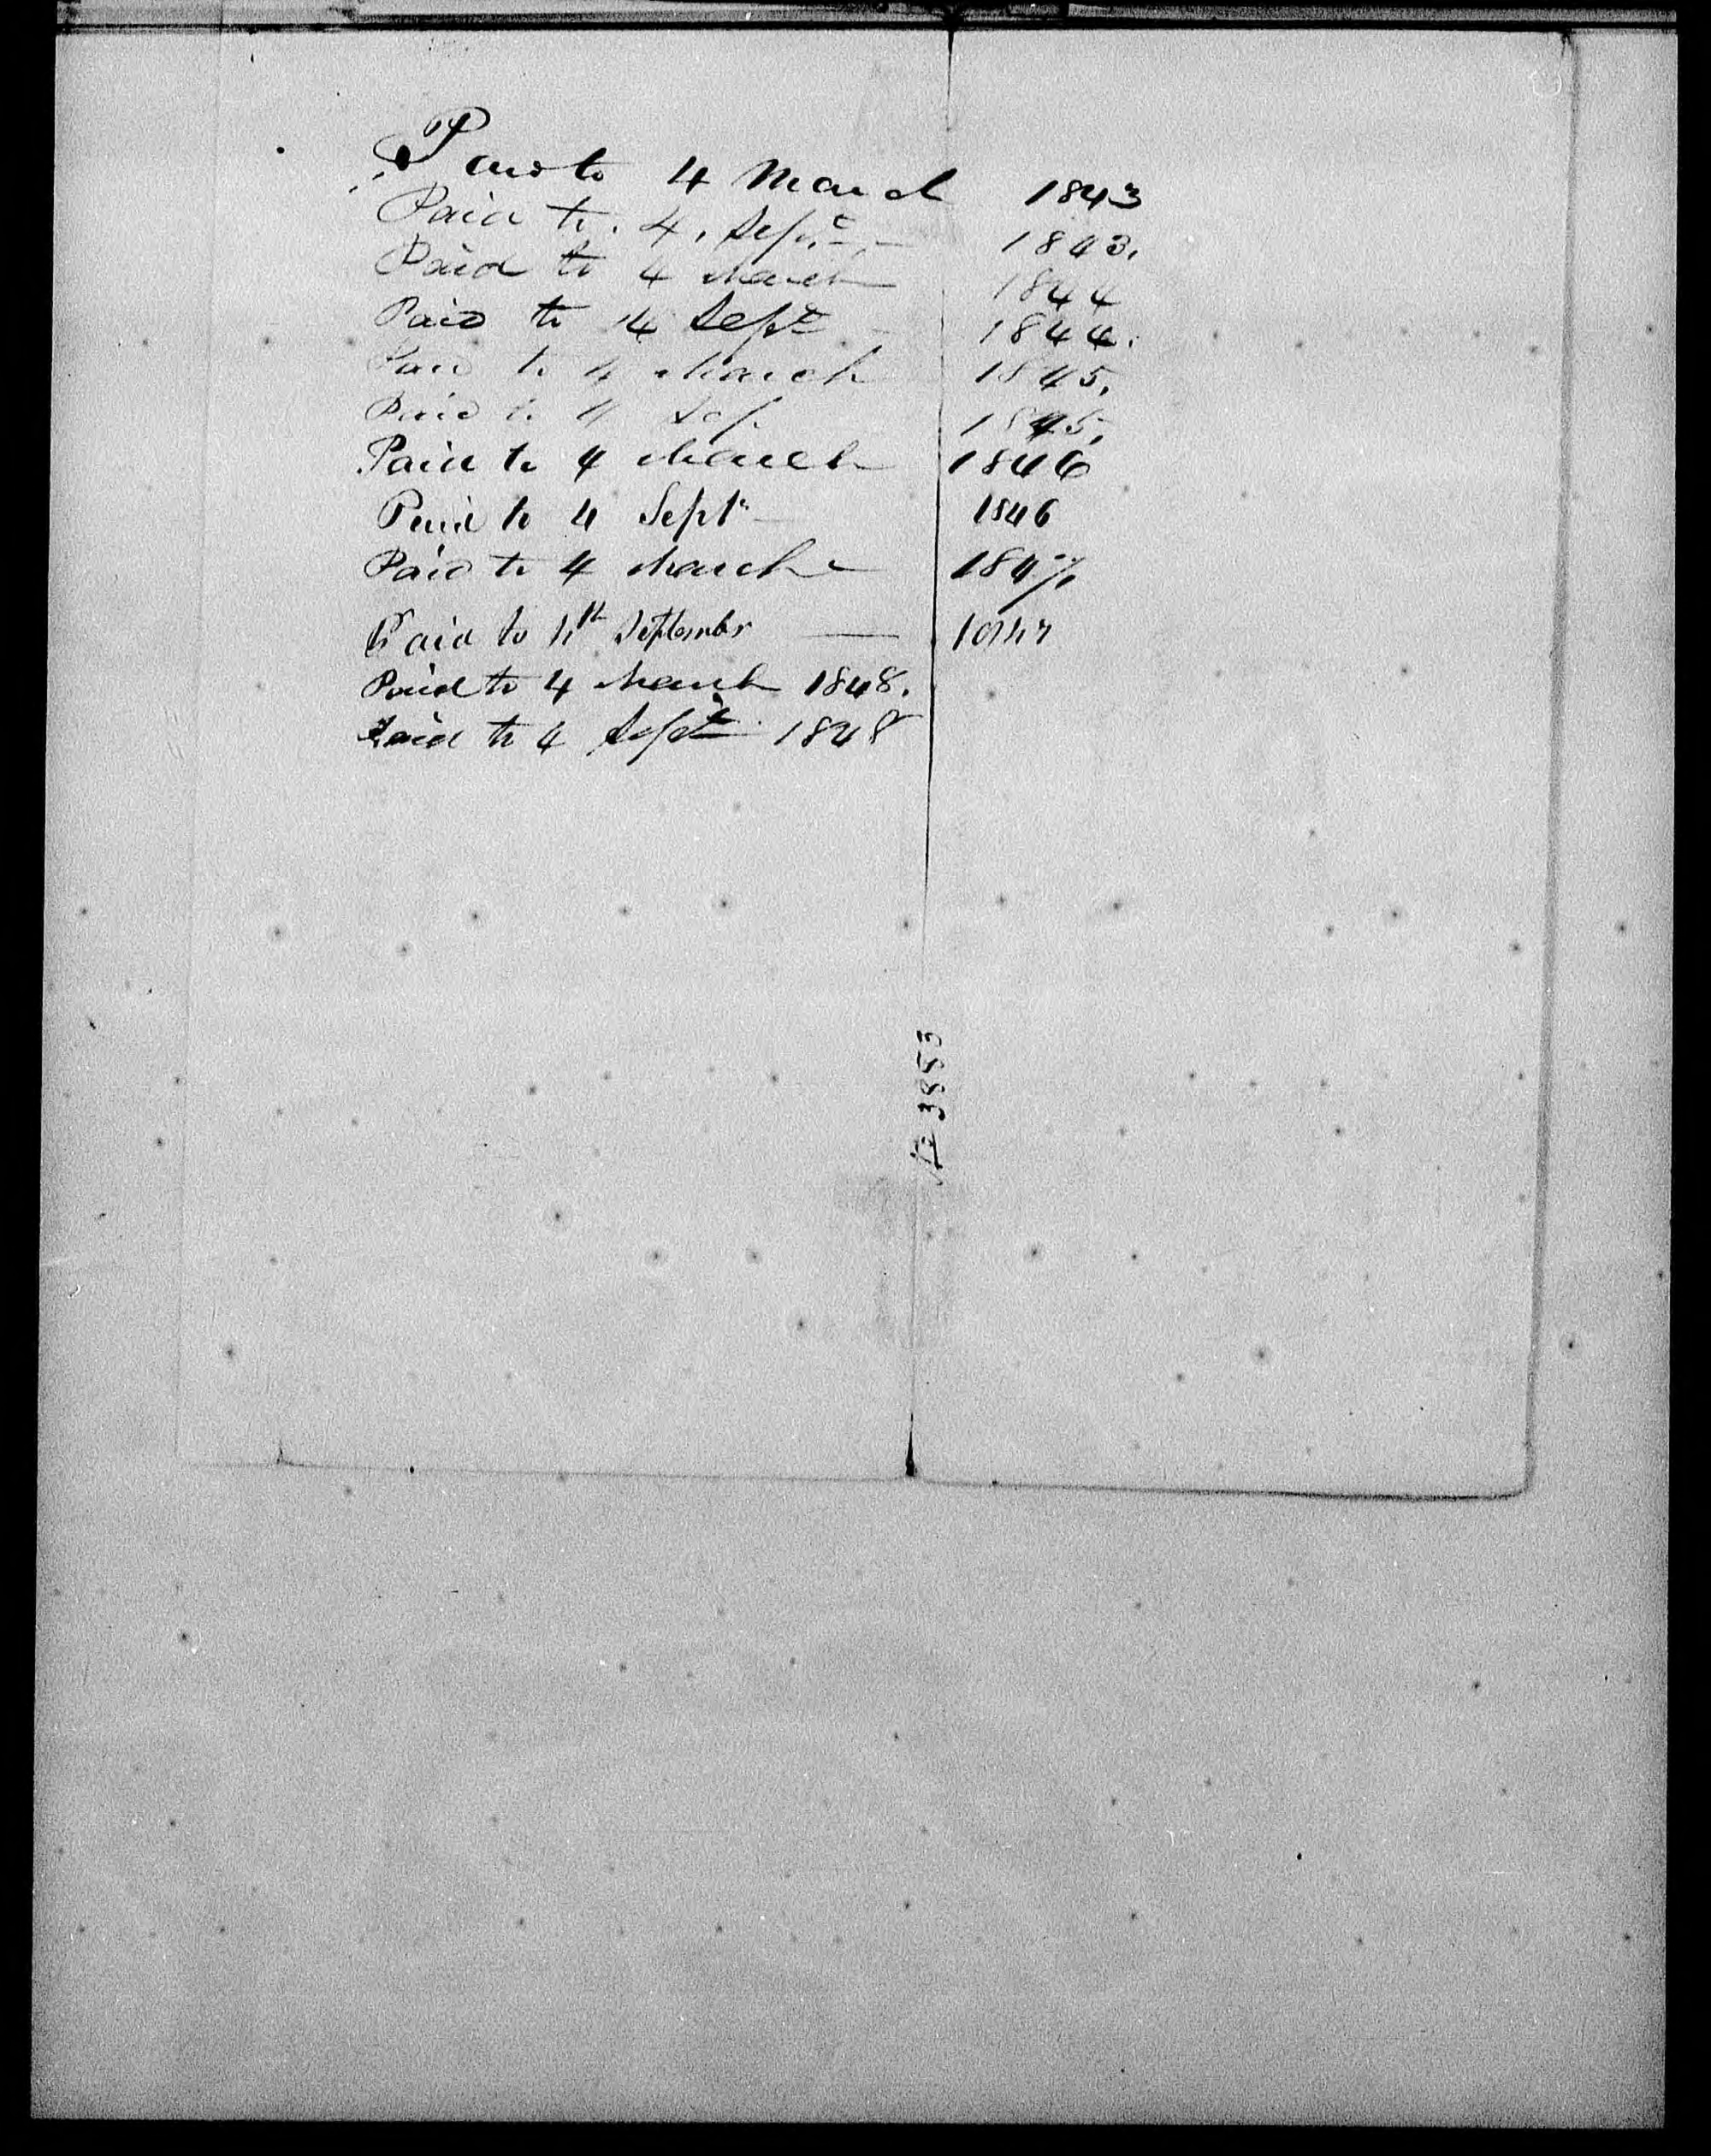Paid to 4 March 1843
Paid to 4. Sept 1843
Paid to 4 March 1844
Paid to 4 Sept 1844
Paid to 4 March 1845
Paid to 4 Sept 1845
Paid to 4 March 1846
Paid to 4th Sept 1846
Paid to 4 March 1847
Paid to 4th Sept 1847
Paid to 4 March 1848
Paid to 4 Sept 1848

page: 42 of 49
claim: widow's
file: W. 859, for James Lambert, New Jersey